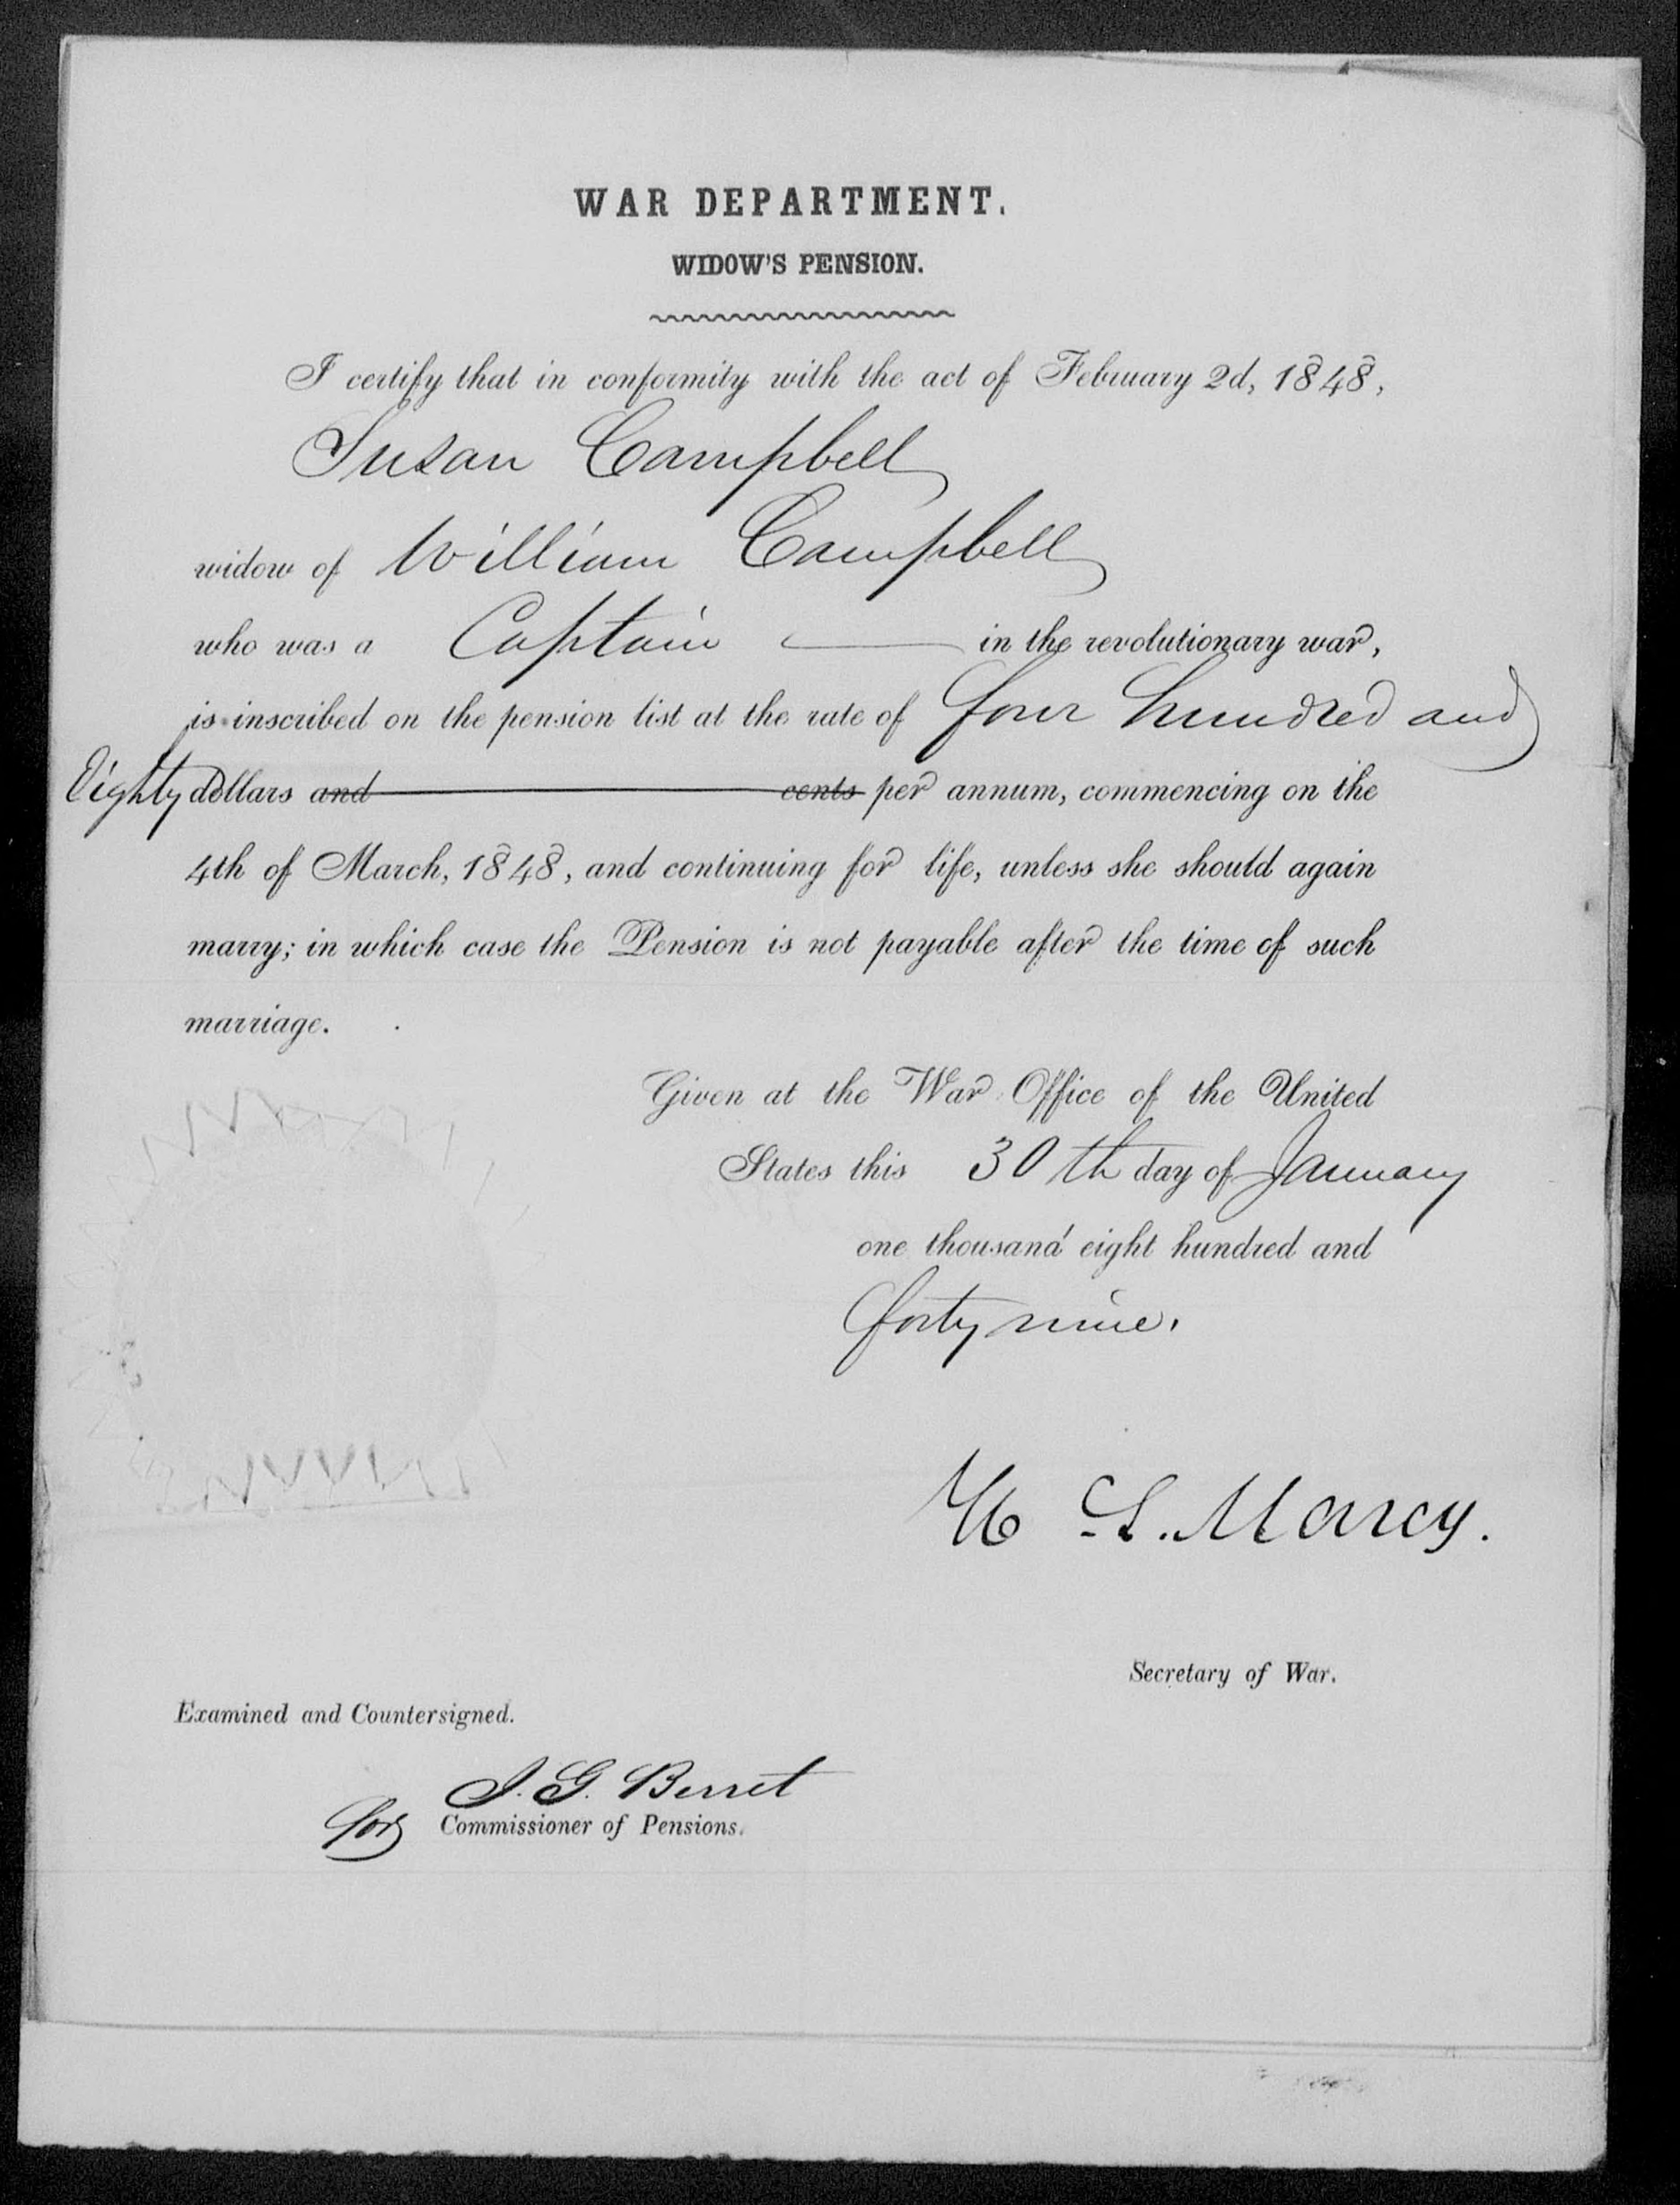WAR DEPARTMENT,
Widow's Pension.

I certify that in conformity with the act of February 2d, 1848, Susan Campbell widow of William Campbell who was a Captain in the revolutionary war, is inscribed on the pension list at the rate of four hundred and eighty dollars per annum, commencing on the 4th of March, 1848, and continuing for life, unless she should again marry;  in which case the Pension is not payable after the time of such marriage.

Given at the War Office of the United States this 30th day of January one thousand eight hundred and forty nine.
W.L. Marcy
Secretary of War

[SEAL]

Examined and countersigned
J.G. Benet
for Commissioner of Pensions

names: Susan Campbell, W L Marcy, William Campbell, J G Berret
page: 220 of 267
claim: widow's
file: W. 4,149, William Campbell, Va.